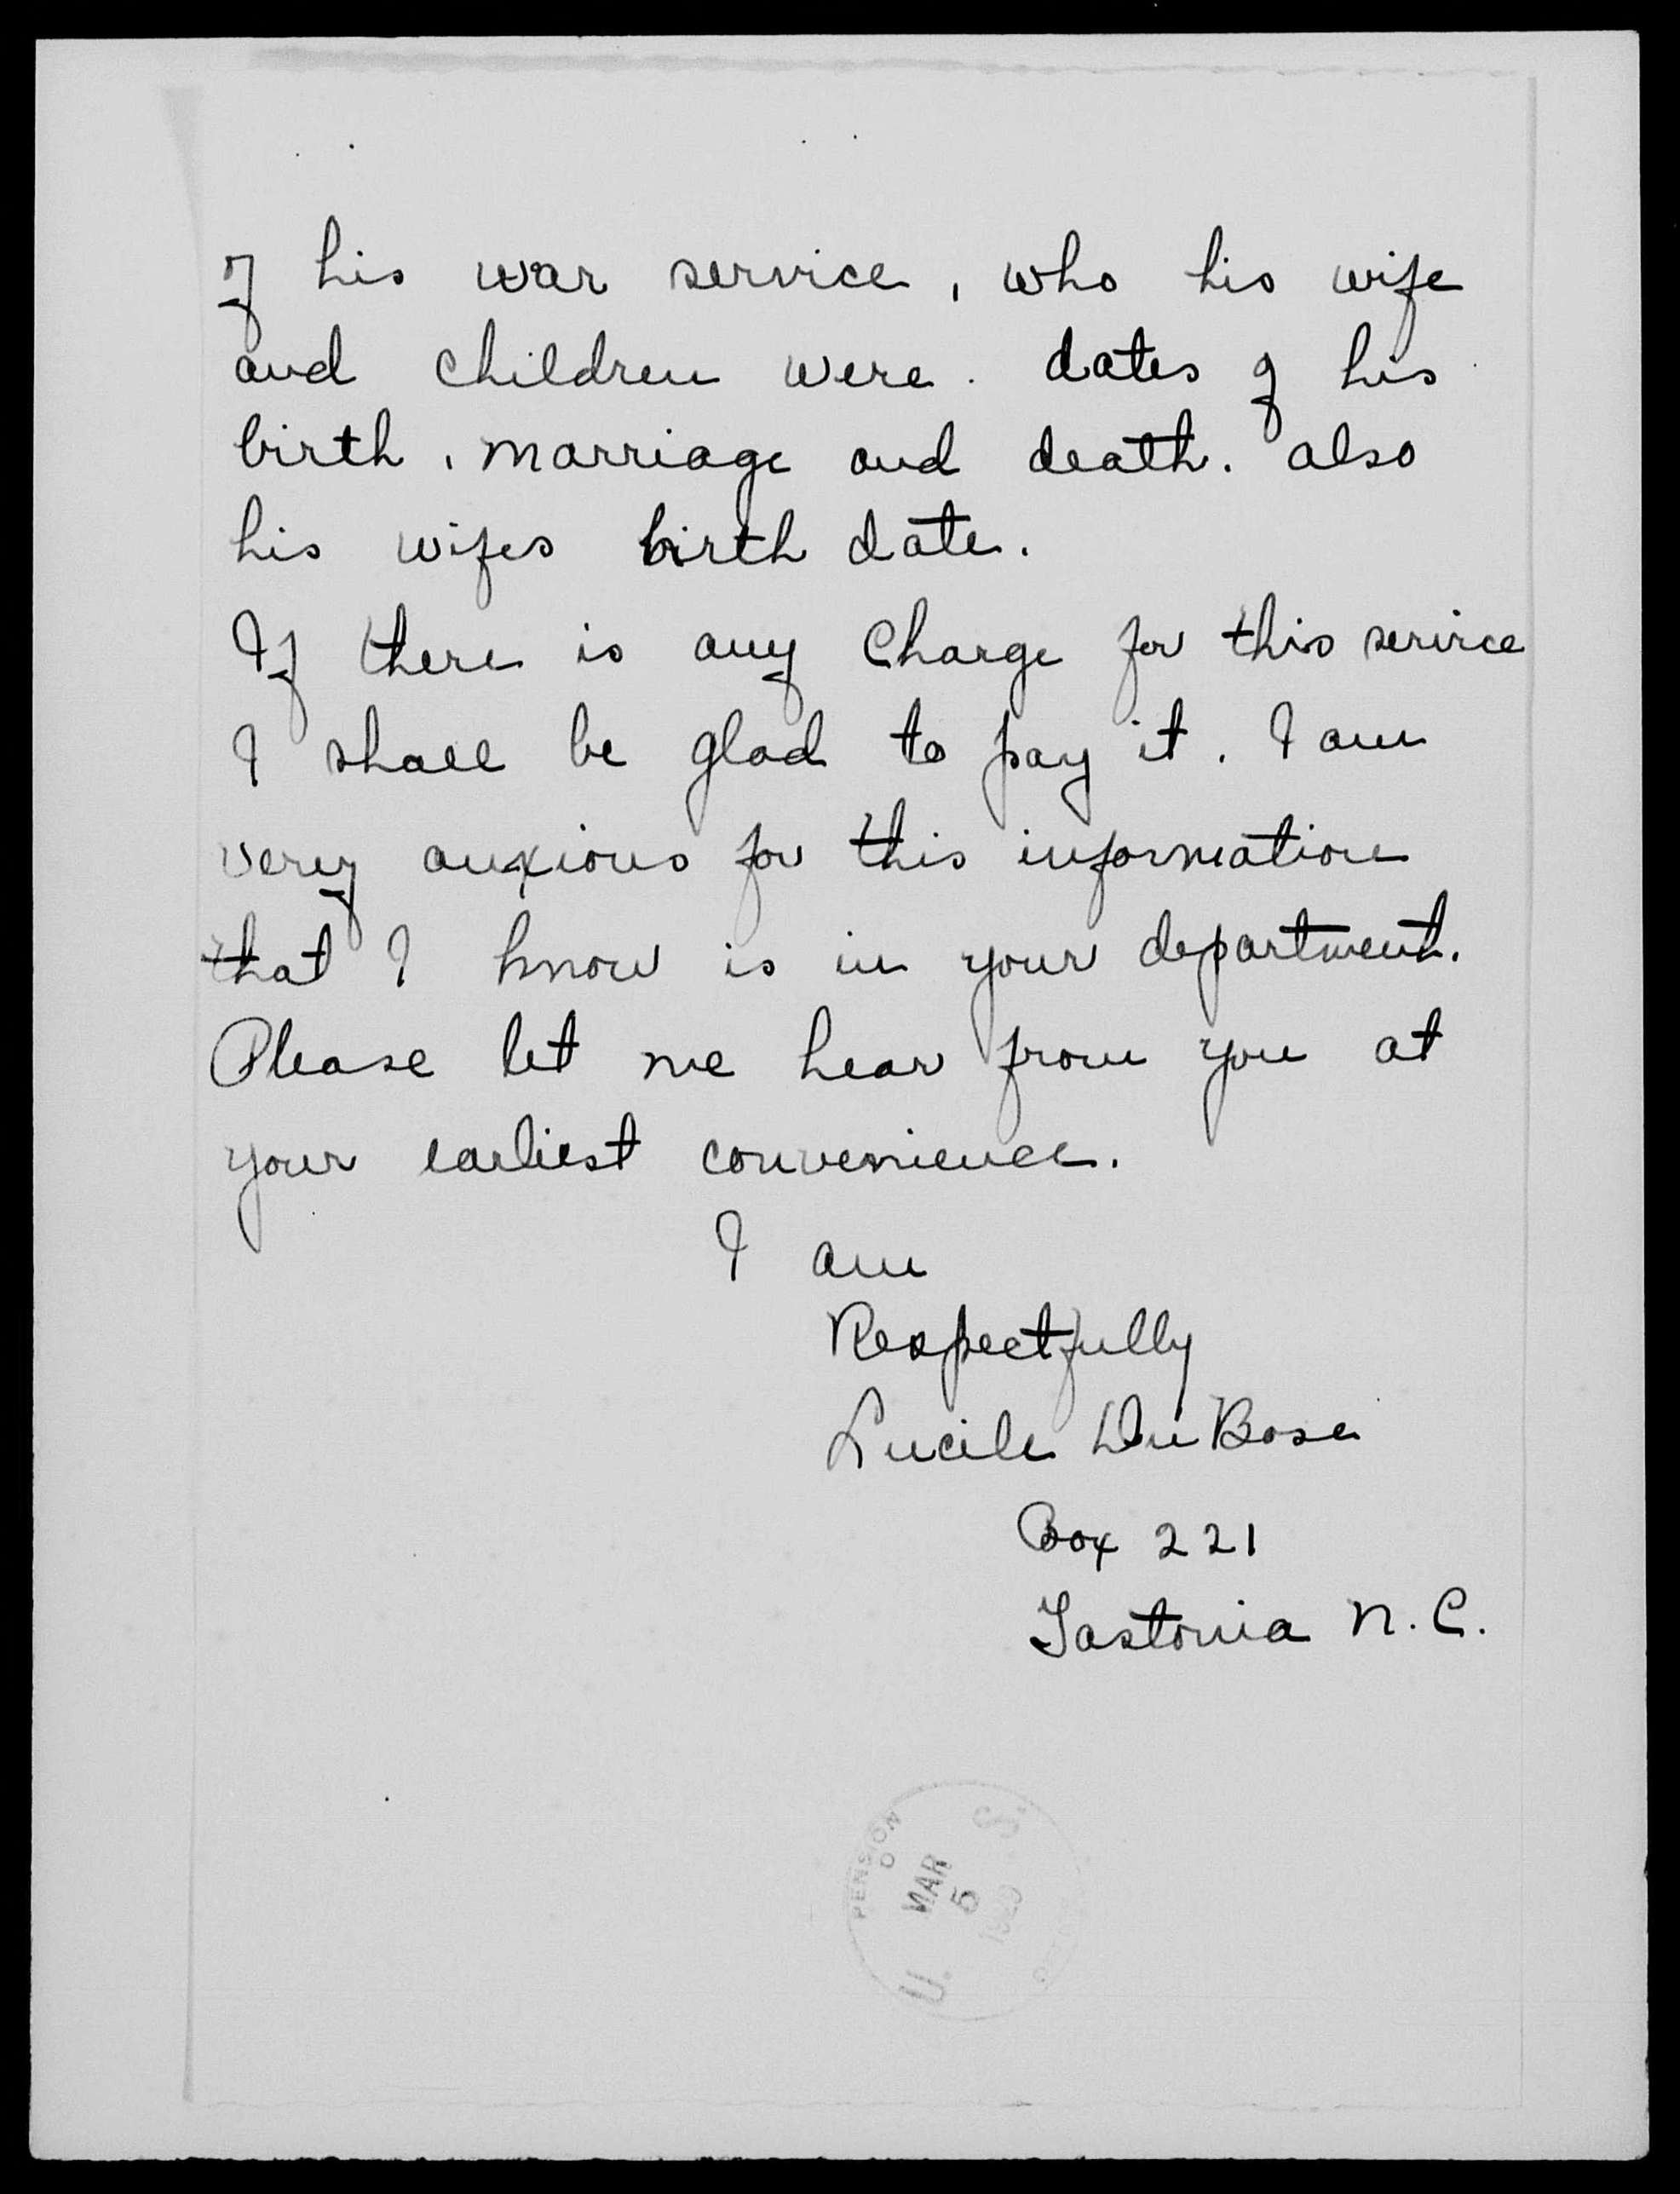of his war service, who his wife and children were. dates of his birth, marriage, and death. Also his wifes birth date.
If there is any charge for this service I shall be glad to pay it. I am very anxious for this information that I know is in your department. Please let me hear from you at your earliest convenience.
I am
Respectully
Lucile DuBose
Box 221 
Gastonia N.C.

PENSION
U.S.
MAR 5 1929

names: Lucile Du Bose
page: 40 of 43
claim: survivor's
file: S. 21163, Peter Dubose, S.C.